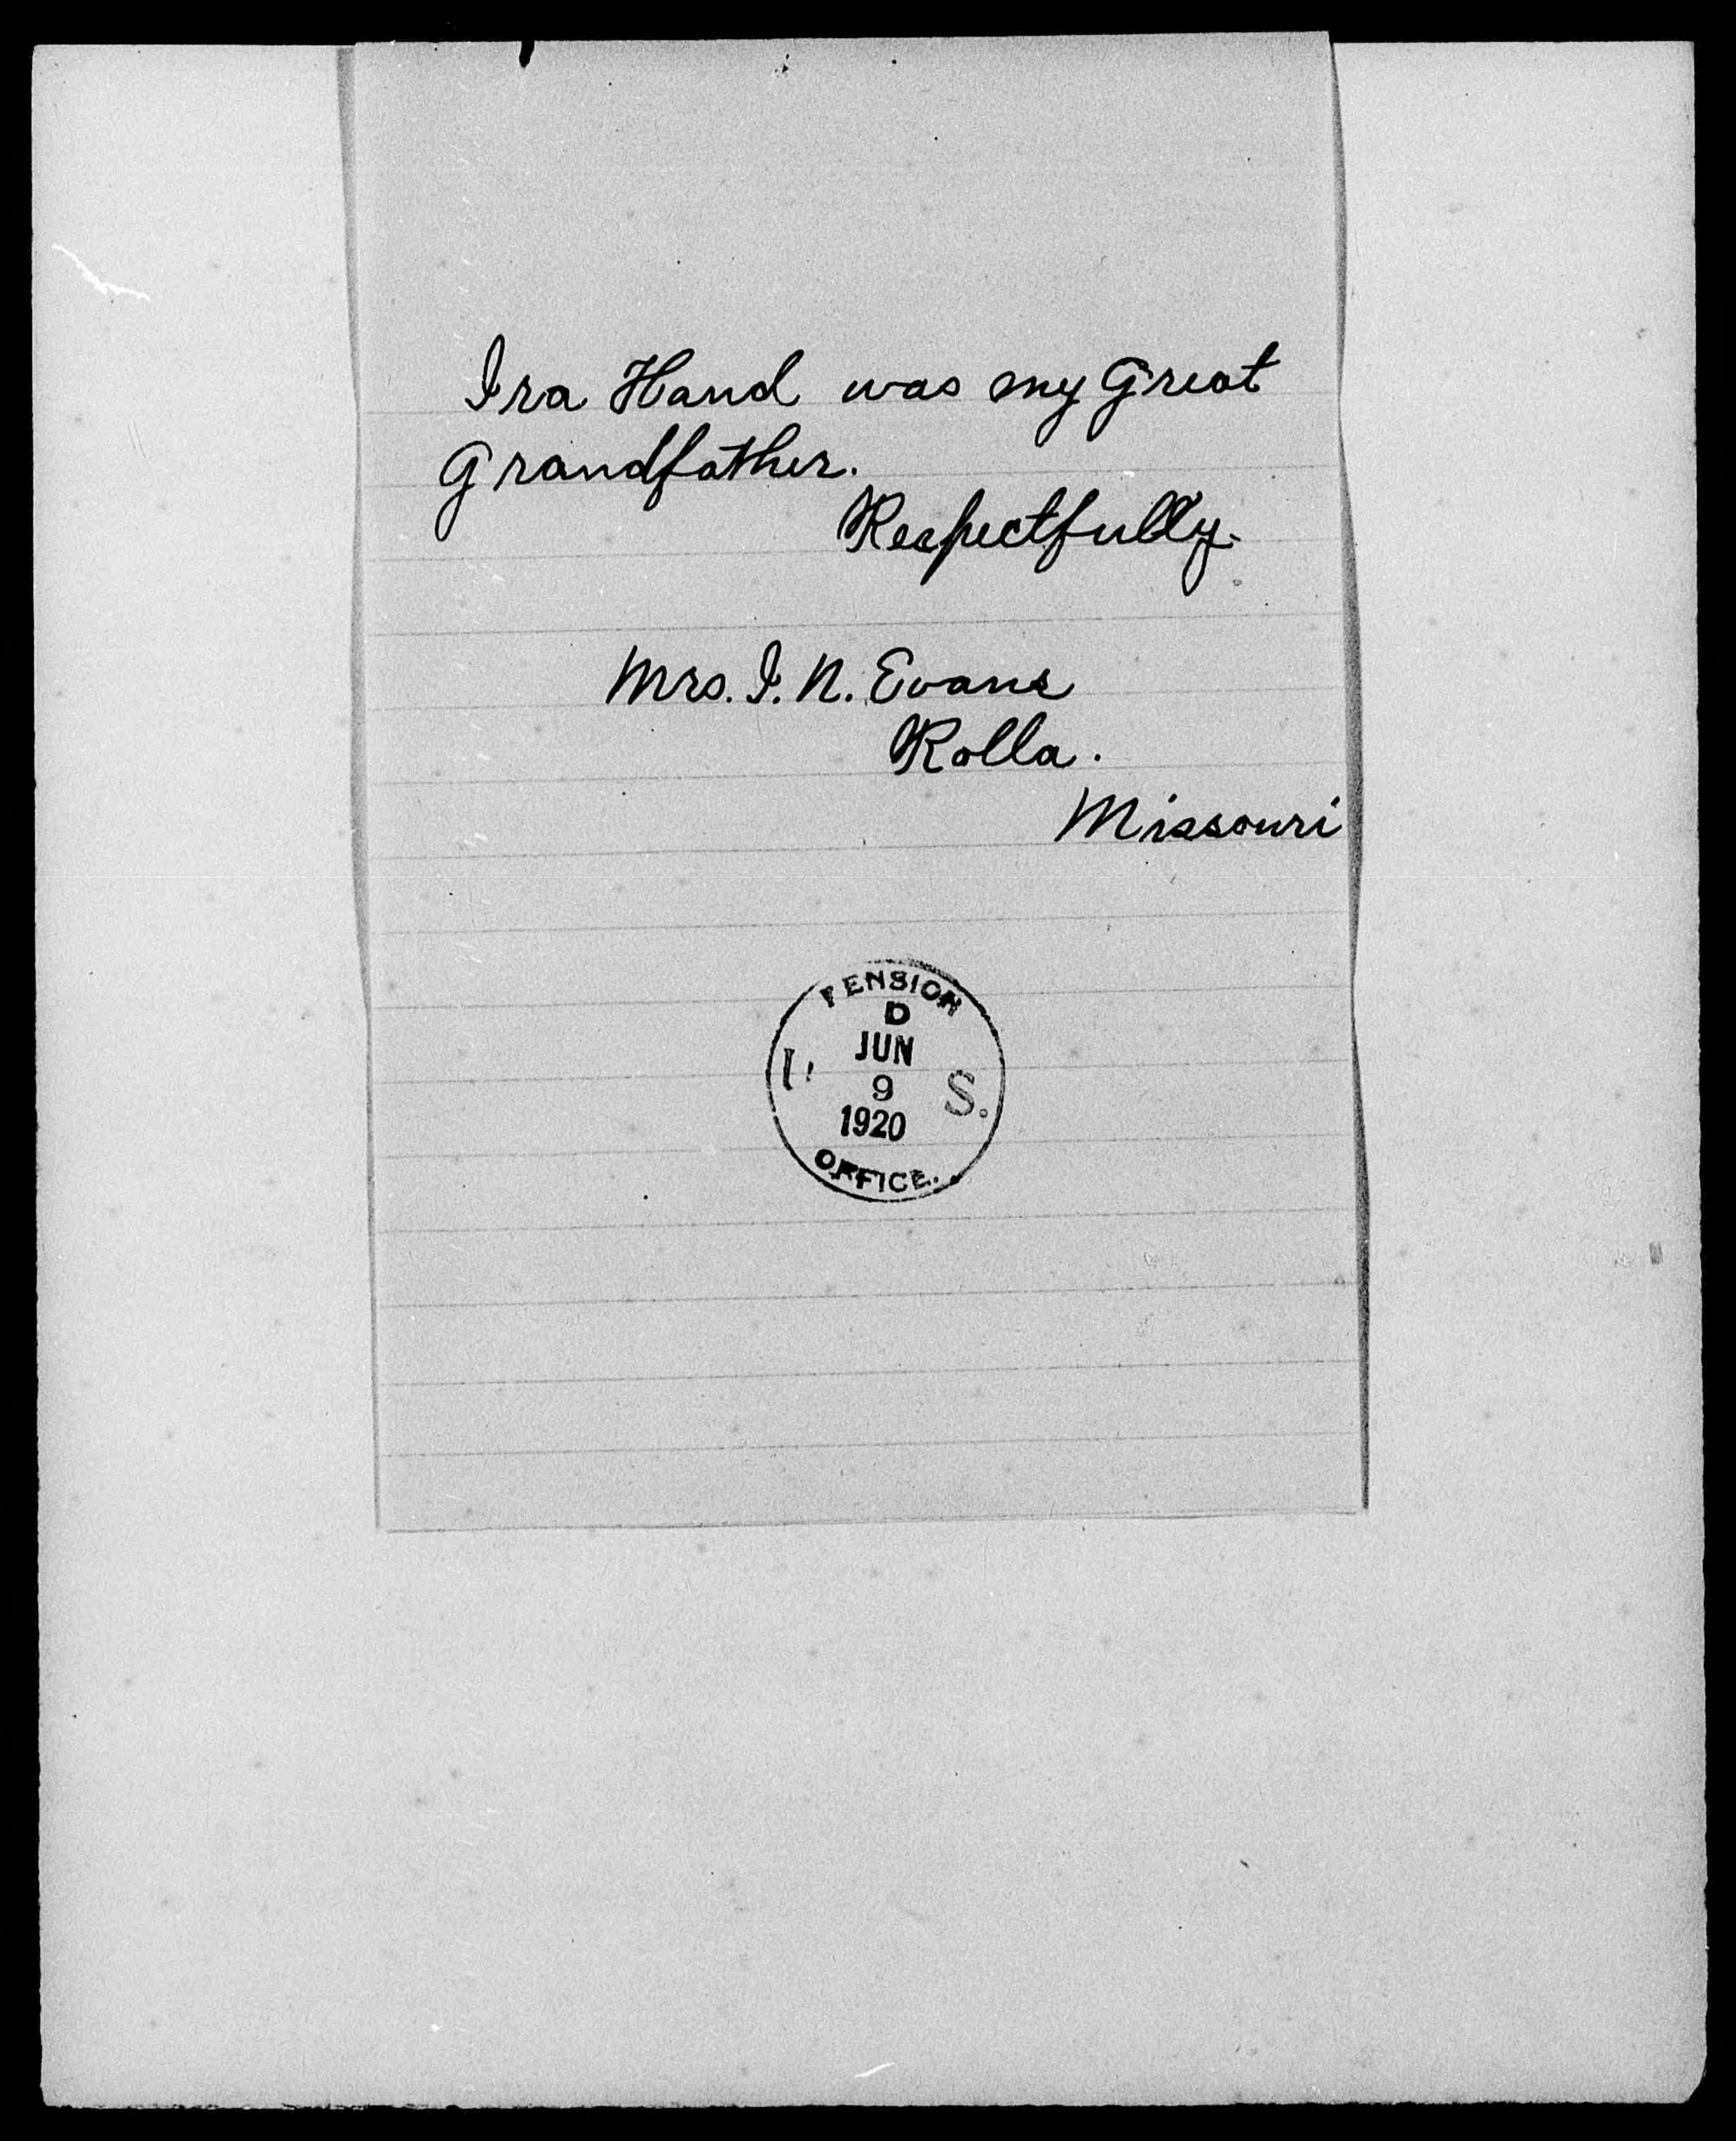Ira Hand was my great grandfather
Respectfully
Mrs. I. N. Evans
Rolla
Missouri
[Stamp - U.S. Pension Office Jun 9 1920]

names: J N Evans, Ira Hand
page: 18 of 42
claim: widow's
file: W. 19,722, Ira Hand, N.H. Vt.